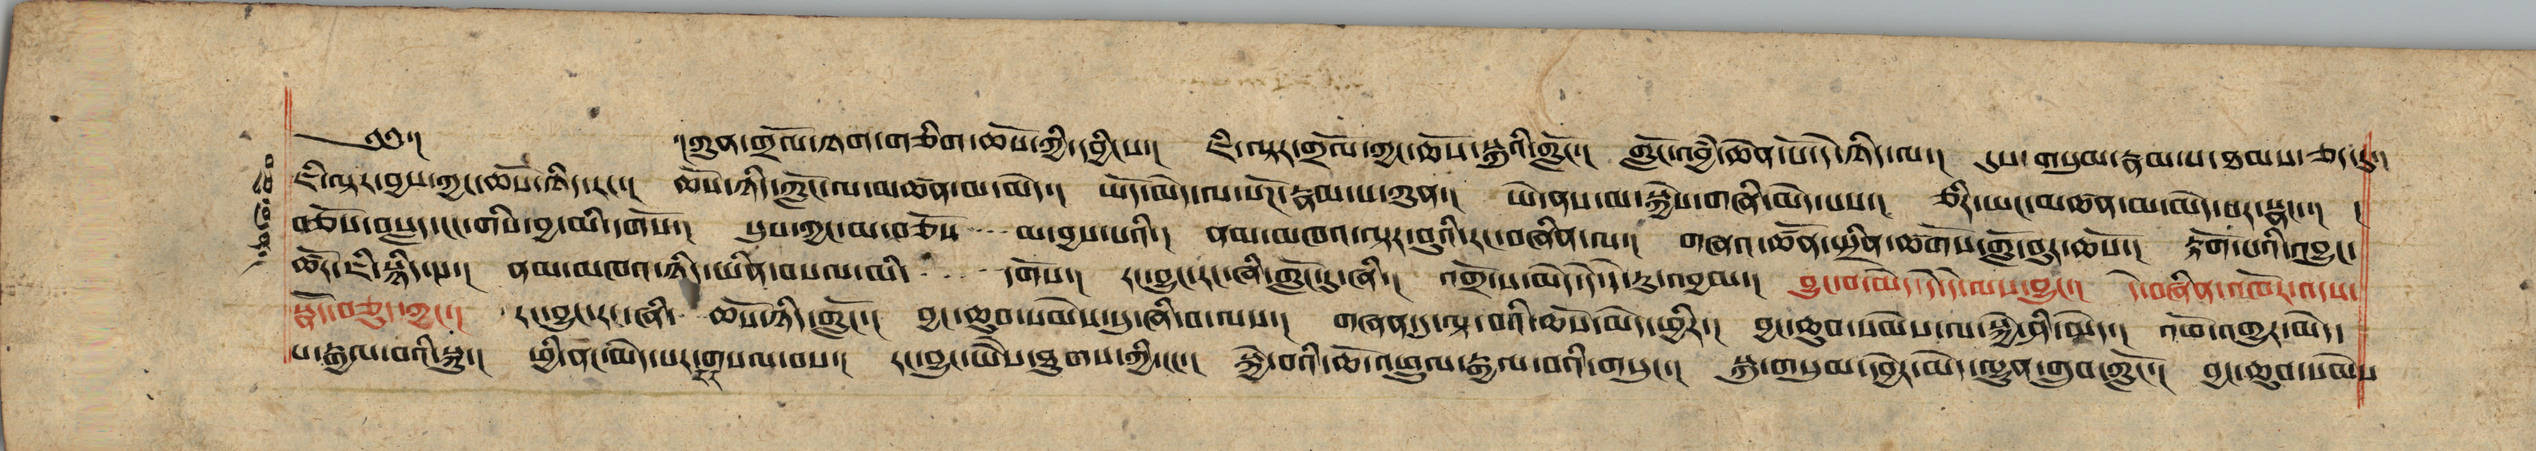༄༅་། ་།ཀུན་གྲོལ་ཉག་གཅིག་ཆོས་ཀྱི་དབྱིངས་། ཇི་ལྟར་གྲོལ་ཀྱང་ཆོས་སྐུའི་ཀློང་། གློང་འབྱཾ་ཆེན་པོ་དེ་ཉིད་ལ་། དུས་གསུམ་རྣམ་པ་ཐམས་ཅད་དུ་།
ཇི་ལྟར་བྱས་ཀྱང་ཆོས་ཉིད་རང་། ཆོས་ཉིད་ཀློང་ལ་མཚན་མ་མེད་། ཡོད་མེད་ལ་སོཌ་རྣམ་པ་ཀུན་། ཡེ་ནས་མ་སྐྱེས་གཞི་མེད་པས་། ཅིར་ཡང་མཚན་མ་མེད་པར་སྣང་་།
བཅོས་བསླད་ངང་གིས་བྱ་མི་དགོས་། སུས་ཀྱང་མ་བཅོས་ མ་བྱས་པའི་། ནམ་མཁའ་ལྟར་བུའི་རང་བཞིན་ལ་། གཞའ་ཚོན་སྤྲིན་ཚོགས་གློ་བུར་ཆོས་། རྟོག་པའི་འབྱུང་
ཚོར་ཇི་སྙིད་པ་། ནམ་མཁའ་ཉིད་ཡིན་བསལ་མི་་་་དགོས་། རང་བྱུང་རང་ཞི་གློང་དུ་ཞི་། འགྲོ་ས་མེད་དེ་དེ་རུ་འབྱམ་། བྱུང་བ་མེད་དེ་དེ་ལས་བྱུང་། དེ་བཞིན་འཁོར་འདས་
སྣོད་བཅུད་ཀྱང་། རང་བྱུང་རང་ཞི་ཆོས་ཉིད་གློང་། བྱང་ཆུབ་སེམས་སུ་ཞི་བ་ལས་། གཞན་དུ་ལྟ་བའི་ཆོས་མེད་ཕྱིར་། བྱང་ཆུབ་སེམས་ལ་སྐྱེ་ཤི་མེད་། འཕོ་འགྱུར་མེད་
པ་རྒྱལ་བའི་སྐུ་། ཕྱི་ནང་མེད་པར་རང་གསལ་བས་། རང་བྱུང་ཡཻས་ཐུགས་ཀྱི་ངང་། སྐྱེ་བའི་ཆོ་འཕྲུལ་རྒྱལ་བའི་གསུང་། སྐུ་གསུམ་དབྱེར་མེད་ལྷུན་གྲུབ་ཀློང་། བྱང་ཆུབ་སེམས